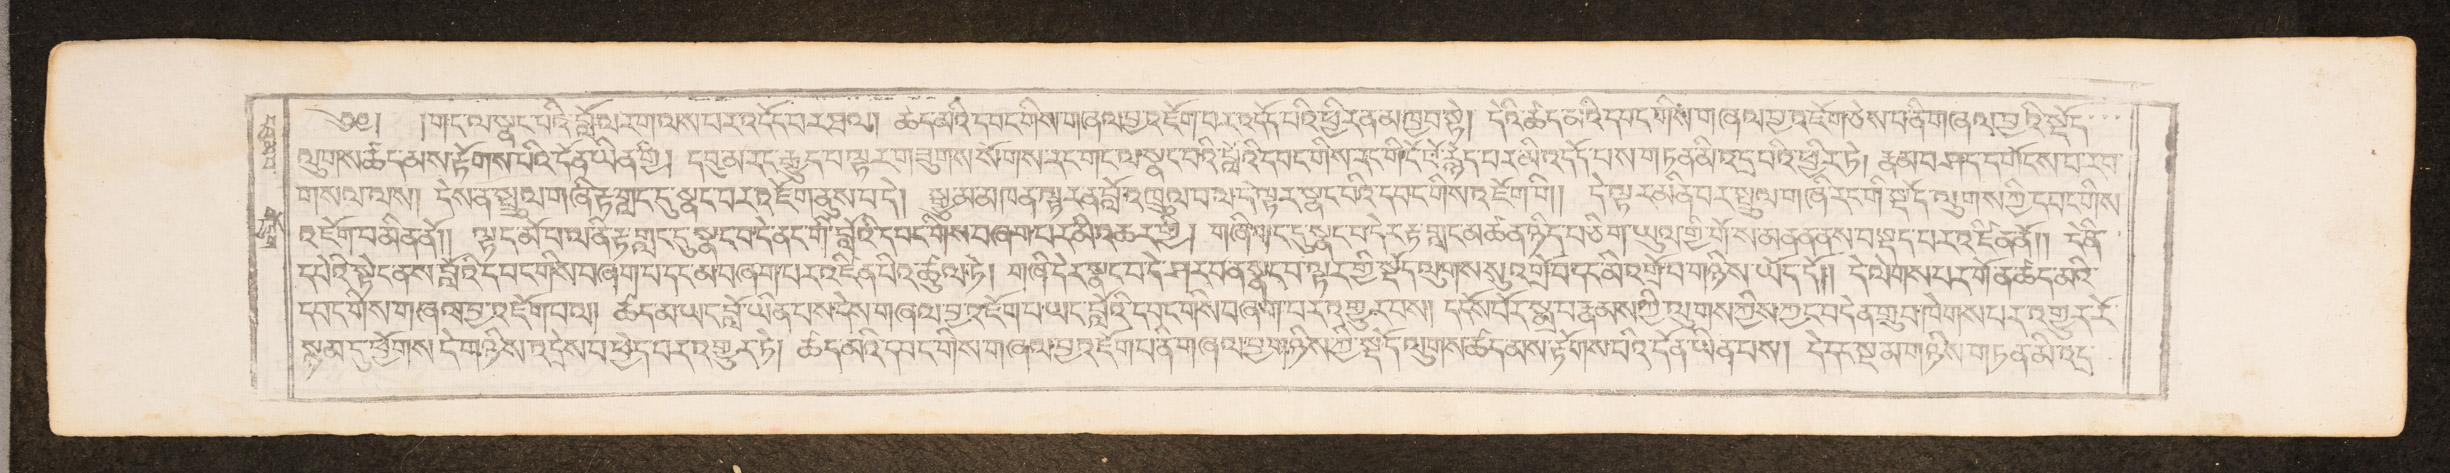༄༅། །གང་ལ་སྣང་བའི་བློ་ལ་རག་ལས་པར་འདོད་པར་ཐལ། ཚད་མའི་དབང་གིས་གཞལ་བྱ་འཇིག་པར་འདོད་པའི་ཕྱིར་ན་མ་ཁྱབ་སྟེ། དེའི་ཚད་མའི་དབང་གིས་གཞལ་བྱ་འཇོག་ཅེས་པ་ནི་གཞལ་བྱའི་སྡོད་
ལུགས་ཚད་མས་རྟོགས་པའི་དོན་ཡིན་གྱི། དབུ་མ་རང་རྒྱུད་པ་ལྟར་གཟུགས་སོགས་རང་གང་ལ་སྣང་བའི་བློའི་དབང་གིས་རང་གི་ངོ་བོ་རྙེད་པར་མི་འདོད་པས་གཏན་མི་དྲ་བའི་ཕྱིར་ཏེ། རྣམ་བཤད་དགོངས་པ་རབ་
གསལ་ལས། དེས་ན་སྤྲུལ་གཞི་རྟ་གླང་དུ་སྣང་བར་འཇོག་ནུས་པ་དེ། སྒྱུར་མཁན་ལྟར་ན་བློ་འཁྲུལ་བ་ལ་དེ་ལྟར་སྣང་བའི་དབང་གིས་འཇིག་གི། དེ་ལར་མིན་པར་སྤྲུལ་གཞི་རང་གི་སྡོད་ལུགས་ཀྱི་དབང་གིས་
འཇོག་པ་མིན་ནོ།། ལྟད་མོ་པ་ལ་ན་རྟ་གླང་དུ་སྣང་བདེ་ནང་གི་བློའི་དབང་གིས་བཞག་པར་མི་འཆར་གྱི། གཞི་གང་དུ་སྣང་བ་དེར་རྟ་གླང་མཚན་ཉིད་པ་ཅིག་ཡུལ་གྱི་གོ་ས་མནན་ནས་བསད་པར་འཛིན་ནོ།། དེ་ནི་
དཔེའི་སྟེང་ནས་བློའི་དབང་གིས་བཞག་པ་དང་མི་བཞག་པར་འཛིན་པའི་ཚུལ་ཏེ། གཞི་དེར་སྣང་བ་དེ་ཤར་བ་ན་སྣང་བ་དེ་ཤར་བ་ན་སྣང་བ་ལྟར་གྱི་སྡོད་ལུགས་སུ་འགྲོ་བ་དང་མི་འགྲོ་བ་གཉིས་ཡོད་དོ།། དེ་ལེགས་པར་གོ་ན་ཚད་མའི་
དབང་གིས་གཞལ་བྱ་འཇུག་པ་ལ། ཚད་མ་ཡང་བློ་ཡིན་པས་དེས་གཞལ་བྱ་འཇུག་པ་ཡང་བློའི་དབང་གིས་བཞག་པར་འགྱུར་བས། དངོས་པོར་སྨྲ་བ་རྣམས་ཀྱི་ལུགས་ཀྱིས་ཀྱང་བདེན་གྲུབ་ཁེགས་པར་འགྱུར་རོ་
སྙམ་དུ་ཕྱོགས་དེ་གཉིས་འདྲེས་པ་ཕྱེད་པར་འགྱུར་ཏེ། ཚད་མའི་དབང་གིས་གཞལ་བྱ་འཇིག་པ་ནི་གཞལ་བྱ་གཉིས་ཀྱི་སྡོད་ལུགས་ཚད་མས་རྟོགས་པའི་དོན་ཡིན་པས། དེ་དང་སྔ་མ་གཉིས་པས། དེ་དང་སྔ་མ་གཉིས་གཏན་མི་འདྲ་